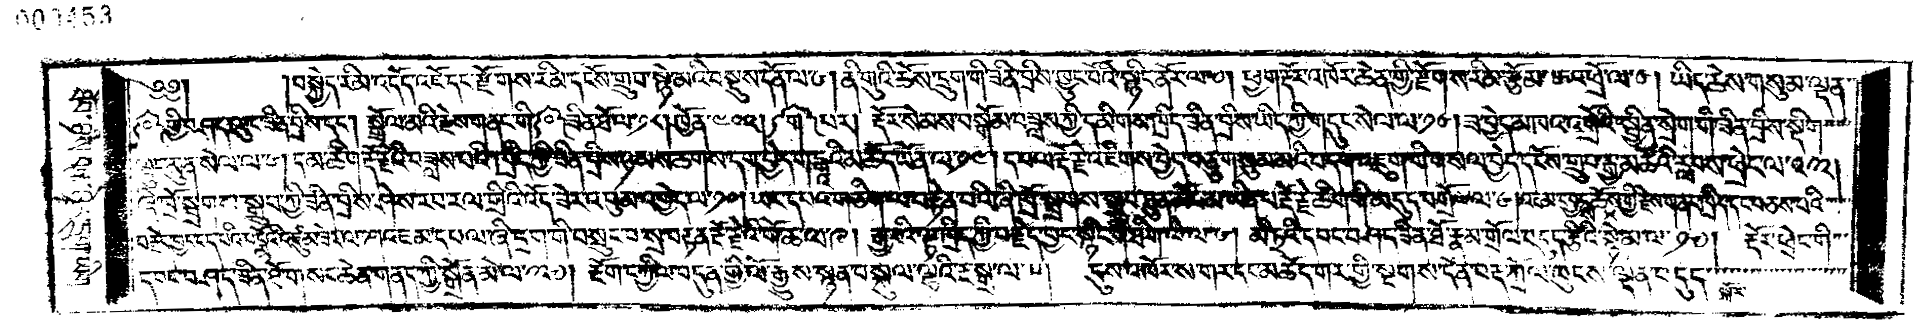༄༅། །བསྐྱེད་རིམ་འདོད་འཇོ་དང་རྫོགས་རིམ་དངོས་གྲུབ་སྙེ་མའི་བསྡུས་དོན་ལ ༦། ནི་གུའི་ཆོས་དྲུག་གི་ཟིན་བྲིས་ཁྱུང་བོའི་སྙིང་ནོར་ལ ༧། ཕྱག་རྡོར་འཁོར་ཆེན་གྱི་རྫོགས་རིམ་རྩོམ་འཕྲོ་ལ ༦། ཡིད་ཆེས་གསུམ་ལྡན་
༼྾༽ གྱི་བཤད་ལུང་ཟིན་བྲིས་དང་། སྒྲོལ་མའི་རྗེས་གནང་གི ༼྾༽ ཟིན་ཐོ་ལ ༡༨། ཁྱོན ༤༠༢། ༼ག༽ པར། རྡོར་སེམས་བསྒོམ་བཟླས་ཀྱི་དམིགས་ཁྲིད་ཟིན་བྲིས་ཡིད་ཀྱི་གདུང་སེལ་ལ ༡༦། ཟ་བྱེད་མཁའ་འགྲོའི་སྦྱིན་སྲེག་གི་ཟིན་བྲིས་སྡིག་
ལྟུང་མུན་སེལ་ལ ༦། དམ་ཚིག་རྡོ་རྗེའི་བཟླས་པའི་ཁྲིད་ཀྱི་ཟིན་བྲིས་ཉམས་ཆགས་དག་བྱེད་གངྒཱའི་མཆོད་ཡོན་ལ ༡༤། དཔལ་རྡོ་རྗེ་འཇིགས་བྱེད་བཅུ་གསུམ་མའི་བདག་འཇུག་གི་གསལ་བྱེད་དངོས་གྲུབ་རྒྱ་མཚོའི་རླབས་ཕྲེང་ལ ༢༣།
ཞི་ཁྲོ་སྦྲགས་སྒྲུབ་ཀྱི་ཟིན་བྲིས་ཤེས་རབ་རལ་གྲིའི་འོད་ཟེར་འབུམ་འགྱེད་ལ ༡༠། ཡང་དཔའ་གཅིག་ལ་བརྟེན་པའི་ཞི་ཁྲོ་སྦྲགས་སྒྲུབ་ཐུན་མོང་མ་ཡིན་པ་རྡོ་རྗེ་ཚིག་གི་མདུད་བགྲོལ་ལ ༦་།འཇམ་དབྱངས་ཆོས་ཀྱི་རྗེས་གནང་ཁྲིད་དང་བཅས་པའི་
བརྗེད་བྱང་དད་པའི་པདམོའི་འཛུམ་ཟེར་ལ ༡༠། འཇམ་དཔལ་ཞི་དྲག་གི་བསྲུང་བ་སྲ་བརྟན་རྡོ་རྗེའི་གོ་ཆ་ལ ༩། རྒྱ་རའི་ལྟ་ཁྲིད་ཀྱི་བརྗེད་བྱང་སྙིང་གི་ཐིག་ལེ་ལ ༦། མི་ཏྲའི་དབང་བཤད་ཟིན་ཐོ་རྣམ་གྲོལ་བདུད་རྩིའི་སྙེ་མ་ལ ༡༧། རྡོར་ཕྲེང་གི་
དབང་བཤད་ཟིན་ཐོ་གསང་ཆེན་གནད་ཀྱི་སྒྲོན་མེ་ལ ༣༦། རྔོག་དཀྱིལ་བདུན་གྱི་ལོ་རྒྱུས་སྙན་བསྐུལ་ལྷའི་རྔ་སྒྲ་ལ ༥། དུས་འཁོར་ས་གར་དང་མཆོད་གར་གྱི་སྔགས་དོན་བརྡ་ཀྲོལ་ཁུངས་ལྡན་བདུད་